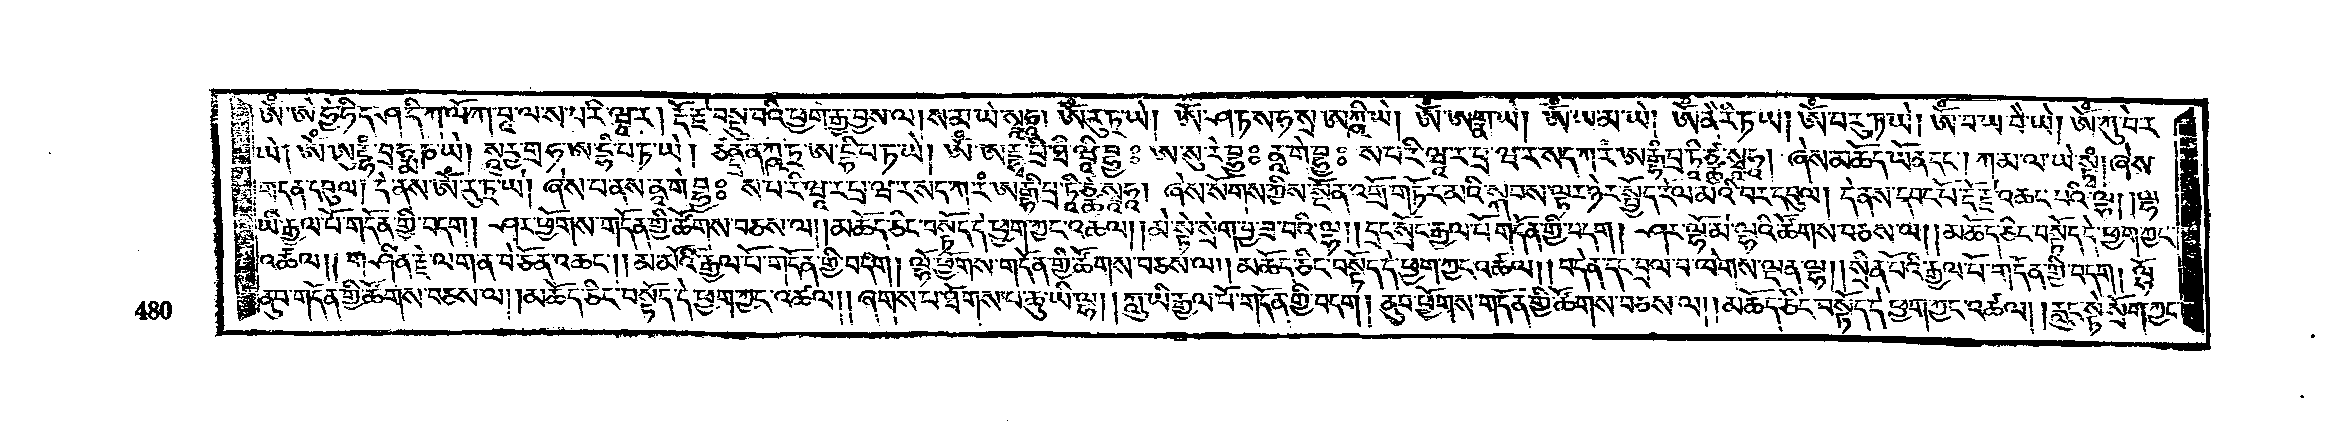ཨོཾ་ཨེ་ཧྱེ་ཧི་ད་ཤ་དི་ཀ་ལོ་ཀ་དཱ་ལ་ས་པ་རི་ཝཱ་ར། རྡོ་རྗེ་བསྡུ་བའི་ཕྱག་རྒྱ་བྱས་ལ། ས་མ་ཡེ་སྭཱ་ཧཱ། ཨོཾ་རུ་ཏྲ་ཡེ། ཨོཾ་ཤ་ཏ་ས་ཧ་སྲ་ཨཀྵི་ཡེ། ཨོཾ་ཨགན་ཡེ། ཨོཾ་ཡ་མ་ཡེ། ཨོཾ་ནཻ་རི་ཏ་ཡ། ཨོཾ་བ་རུ་ཏ་ཡེ། ཨོཾ་བ་ཡ་བཻ་ཡེ། ཨོཾ་ཀུ་བེ་ར་
ཡེ། ཨོཾ་ཨུརྡྷཾ་པྲ་ཧྨ་ཎ་ཡེ། སཱུ་རྱ་གྲ་ཧ་ཨ་དྷི་པ་ཏ་ཡེ། ཙནྡྲ་ན་ཀྵ་ཏྲ་ཨ་དྷི་པ་ཏ་ཡེ། ཨོཾ་ཨརྡྷྭ་པྲི་ཐི་ཝཱི་བྷྱ་H ཨ་སུ་རེ་བྷྱ་H ནཱ་གེ་བྷྱ་H ས་པ་རི་ཝཱ་ར་པྲ་ཝ་ར་སད་ཀ་རཾ་ཨརྒྷཾ་པྲ་ཏཱི་ཙྪ་སྭཱ་ཧཱ། ཞེས་མཆོད་ཡོན་དང་། ཀ་མ་ལ་ཡེ་སྟྭཾ། ཞེས་
གདན་དབུལ། དེ་ནས་ཨོཾ་རུ་ཏྲ་ཡེ། ཞེས་པ་ནས་ནཱ་གེ་བྷྱ་H ས་པ་རི་ཝཱ་ར་པྲ་ཝ་ར་སད་ཀ་རི་ཨརྒྷཾ་པྲ་ཏཱི་ཙྪ་སྭཱ་ཧཱ། ཞེས་སོགས་ཀྱིས་སྔོན་འགྲོ་གཏོར་མའི་སྐབས་ལྟར་ཉེར་སྤྱོད་རོལ་མའི་བར་དབུལ། དེ་ནས་དབང་པོ་རྡོ་རྗེ་འཆང་པའི་ལྷ། །ལྷ་
ཡི་རྒྱལ་པོ་གདོན་གྱི་བདག །ཤར་ཕྱོགས་གདོན་གྱི་ཚོགས་བཅས་ལ། །མཆོད་ཅིང་བསྟོད་དེ་ཕྱག་ཀྱང་འཚལ། །མེ་སྟེ་སྲེག་བྱ་ཟ་བའི་ལྷ། །དྲང་སྲོང་རྒྱལ་པོ་གདོན་གྱི་བདག །ཤར་ལྷོ་མེ་ལྷའི་ཚོགས་བཅས་ལ། །མཆོད་ཅིང་བསྟོད་དེ་ཕྱག་ཀྱང་
འཚལ། །གཤིན་རྗེ་ལག་ན་བེ་ཅོན་འཆང་། །མ་མོའི་རྒྱལ་པོ་གདོན་གྱི་བདག །ལྷོ་ཕྱོགས་གདོན་གྱི་ཚོགས་བཅས་ལ། །མཆོད་ཅིང་བསྟོད་དེ་ཕྱག་ཀྱང་འཚལ། །བདེན་དང་བྲལ་བ་ལེགས་ལྡན་ལྷ། །སྲིན་པོའི་རྒྱལ་པོ་གདོན་གྱི་བདག །ལྷོ་
ནུབ་གདོན་གྱི་ཚོགས་བཅས་ལ། །མཆོད་ཅིང་བསྟོད་དེ་ཕྱག་ཀྱང་འཚལ། །ཞགས་པ་ཐོགས་པ་ཆུ་ཡི་ལྷ། །ཀླུ་ཡི་རྒྱལ་པོ་གདོན་གྱི་བདག །ནུབ་ཕྱོགས་གདོན་གྱི་ཚོགས་བཅས་ལ། །མཆོད་ཅིང་བསྟོད་དེ་ཕྱག་ཀྱང་འཚལ། །རླུང་སྟེ་སྲོག་ཀྱང་